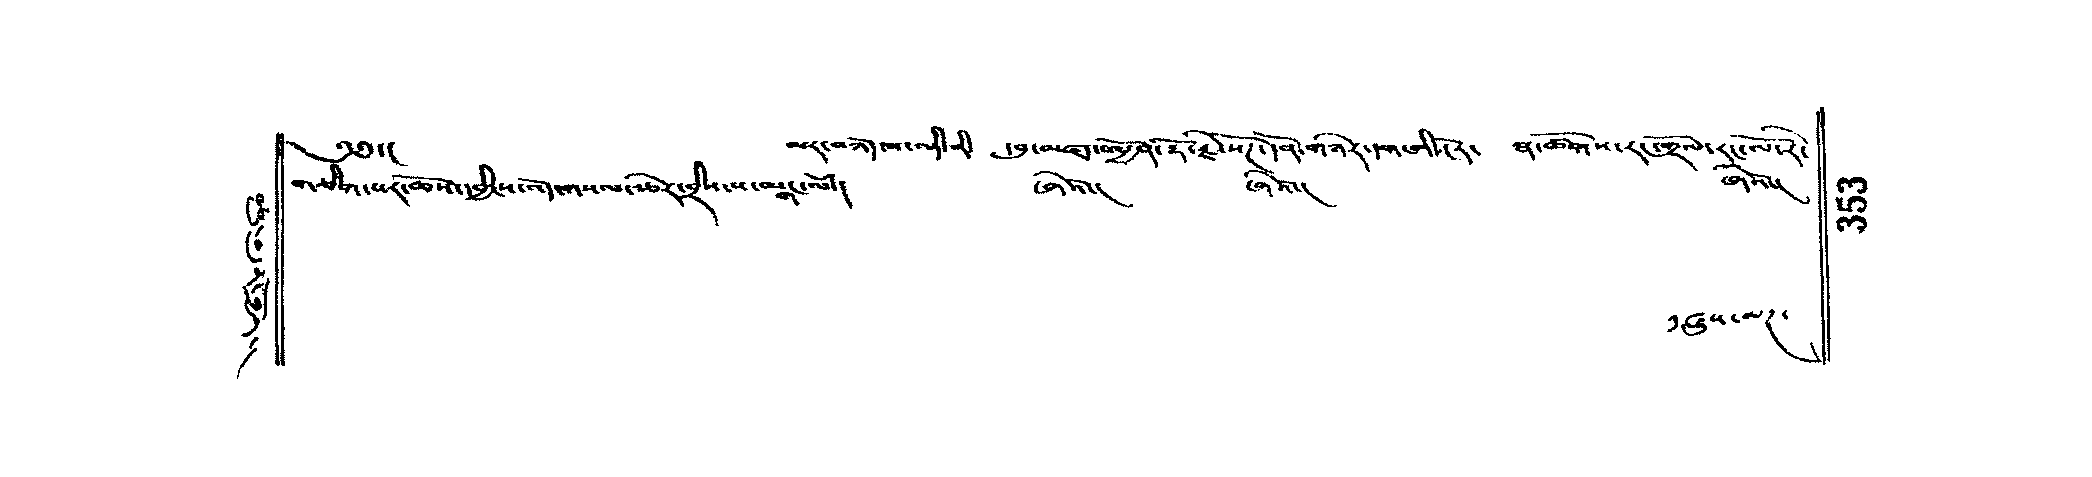མར་བཀོད་པ་འདི་ནི། དབུ་མཛད་ཨོ་རྒྱན་རྡོ་རྗེ་སོགས་དོན་གཉེར་དག་གི་ངོར། སྣ་ཚོགས་རང་གྲོལ་པས་རང་ལོ་རེ་
གཅིག་པར་ཆོས་དབྱིངས་འོད་གསལ་རྩེར་བྲིས་པ་མངྒ་ལཾ།། དགེའོ།།